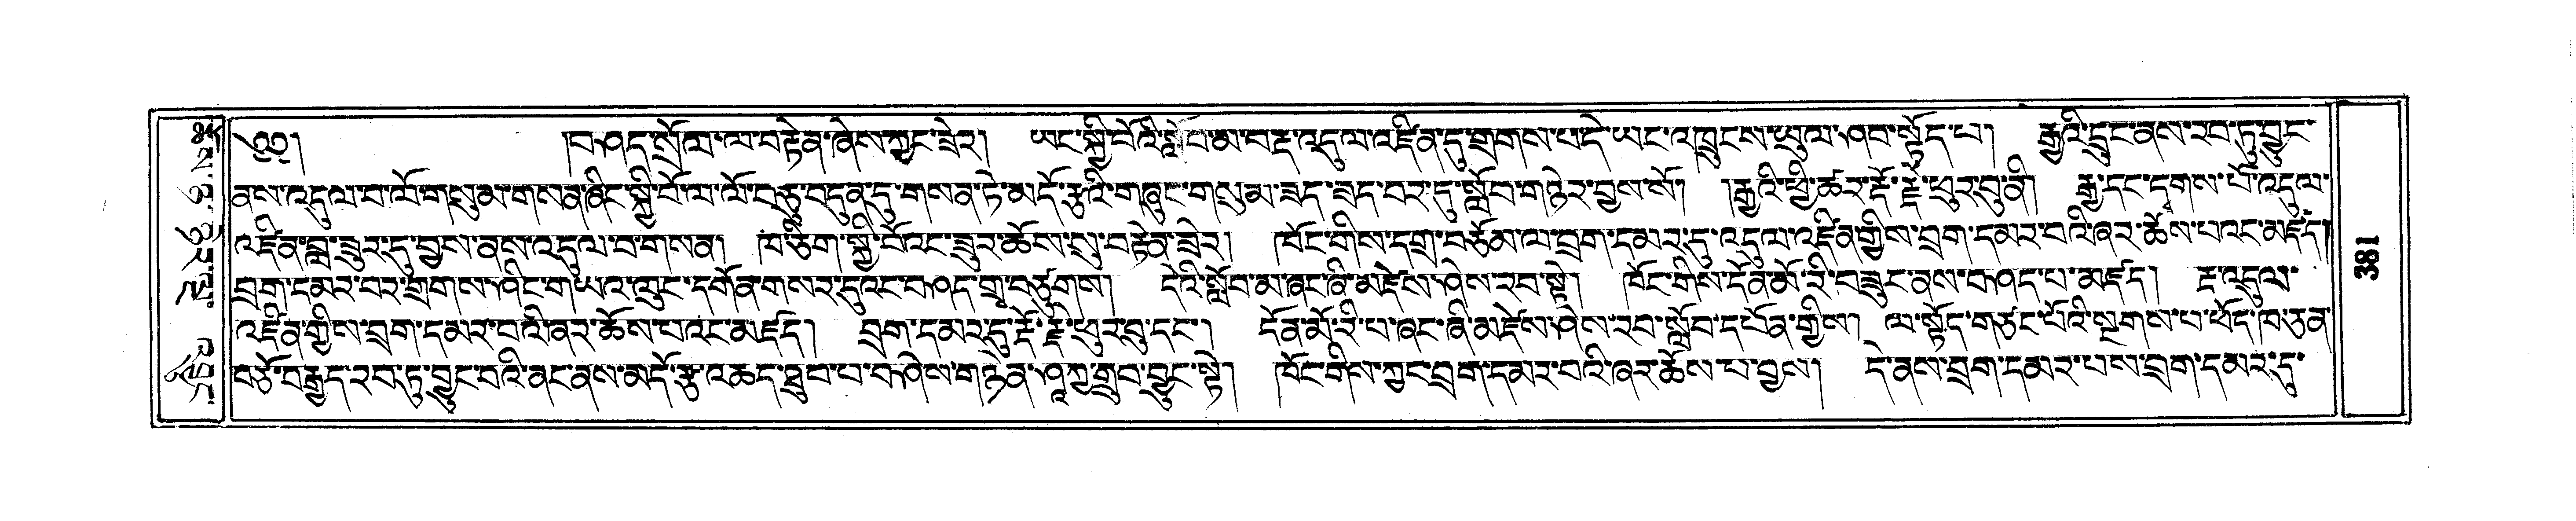༄༅། །བཤད་སྲོལ་ལ་བརྟེན་ཞེས་ཀྱང་ཟེར། ཡང་སྐྱི་བོའི་སློབ་མ་བརྡ་འདུལ་འཛིན་དུ་གྲགས་པ་དེ་ཡང་འཁྲུངས་ཡུལ་ཤབ་སྟོད་པ། རྒྱའི་དྲུང་ནས་རབ་ཏུ་བྱུང་
ནས་འདུལ་བ་ལོ་གསུམ་གསན་ཞིང་སྐྱི་བོ་ལ་ལོ་བཅུ་བདུན་དུ་གསན་ཏེ་མདོ་རྩའི་གཞུང་གསུམ་ཟད་ཟད་བར་དུ་སློབ་གཉེར་བྱས་སོ། །རྒྱའི་ཕྱི་ཚར་རྡོ་རྗེ་ཕུར་བུ་ནི། རྒྱ་དང་དྭགས་པོ་འདུལ་
འཛིན་བླ་ཟུར་དུ་བྱས་ནས་འདུལ་བ་གསན། ཁ་ཅིག་སྐྱི་བོའང་ཟུར་ཆོས་སུ་བརྟེན་ཟེར། ཁོང་གིས་དགྲ་བཅོམ་ལ་བྲག་དམར་དུ་འདུལ་འཛིན་གྱིས་བྲག་དམར་བའི་ཞར་ཆོས་པའང་མཛད།
བྲག་དམར་བར་གྲགས་ཤིང་གཡའ་ལུང་དགོན་གསར་དུའང་བཤད་གྲྭ་བཙུགས། དེའི་སློབ་མ་ཞང་ཞི་མཛེས་ཤེས་རབ་སྟེ། ཁོང་གིས་དོན་མོ་རི་བཟུང་ནས་བཤད་པ་མཛད། རྔ་འདུལ་
འཛིན་གྱིས་བྲག་དམར་བའི་ནར་ཆོས་པའང་མཛད། བྲག་དམར་དུ་རྡོ་རྗེ་ཕུར་བུ་དང་། དོན་མོ་རི་པ་ཞང་ཞི་མཛེས་ཤེས་རབ་སློབ་དཔོན་གྱིས། ལ་སྟོད་གཙང་པོའི་སྔགས་པ་ཕོད་ཁ་ཅན་
བཅོ་བརྒྱད་རབ་ཏུ་བྱུང་བའི་ནང་ནས་མདོ་རྩ་འཆད་ཐུབ་པ་བཤེས་གཉེན་ཤྰྐྱ་གྲུབ་བྱུང་སྟེ། ཁོང་གིས་ཀྱང་བྲག་དམར་བའི་ཞར་ཆོས་པ་བྱས། དེ་ནས་བྲག་དམར་པས་བྲག་དམར་དུ་